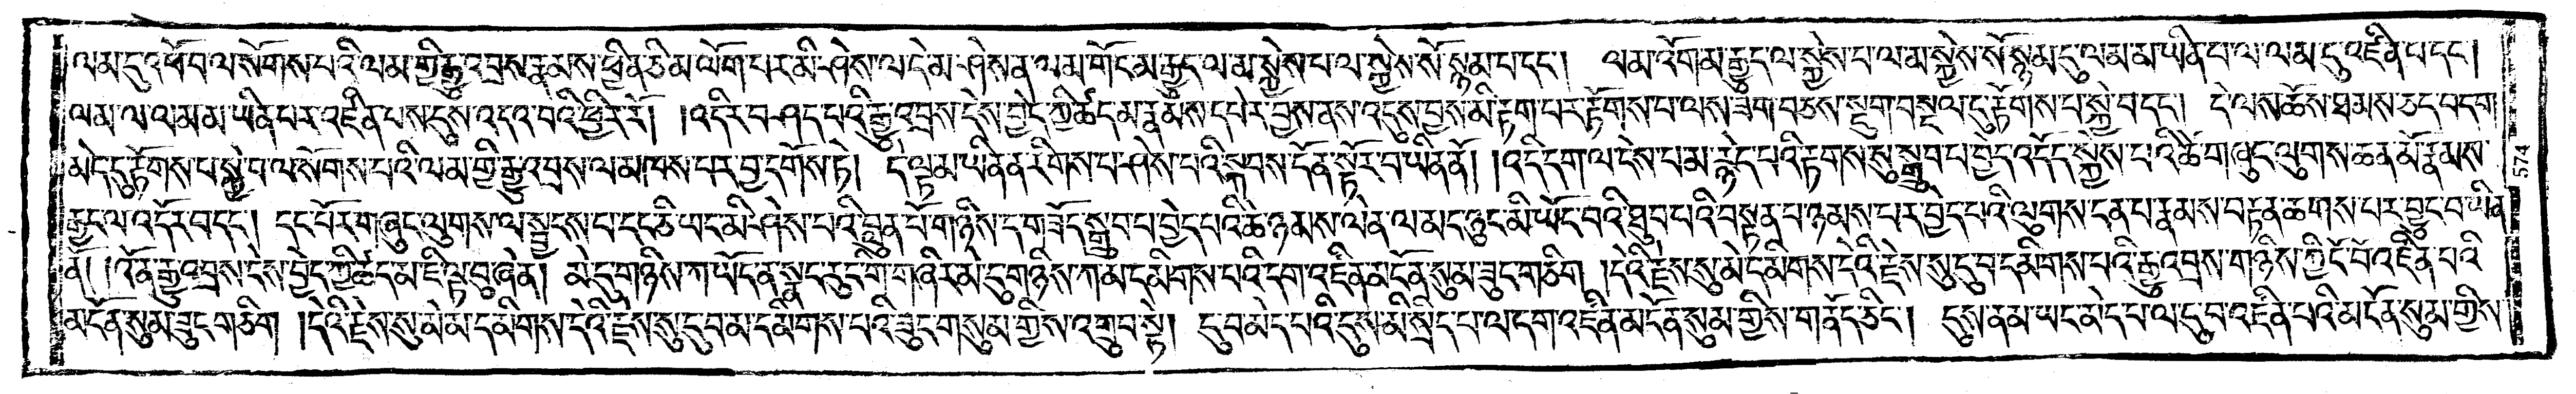ལམ་དུ་འཕོ་བ་ལ་སོགས་པའི་ལམ་གྱི་རྒྱུ་འབྲས་རྣམས་ཕྱིན་ཅི་མ་ལོག་པར་མི་ཤེས་ལ་དེ་མ་ཤེས་ན་ལམ་གོང་མ་རྒྱུད་ལ་མ་སྐྱེས་པ་ལ་སྐྱེས་སོ་སྙམ་པ་དང་། ལམ་འོག་མ་རྒྱུད་ལ་སྐྱེས་པ་ལ་མ་སྐྱེས་སོ་སྙམ་དུ་ལམ་མ་ཡིན་པ་ལ་ལམ་དུ་འཛིན་པ་དང་།
ལམ་ལ་ལམ་མ་ཡིན་པར་འཛིན་པས་དུས་འདའ་བའི་ཕྱིར་རོ། །འདིར་བཤད་པའི་རྒྱུ་འབྲས་དེས་བྱེད་ཀྱི་ཚད་མ་རྣམས་དཔེར་བྱས་ནས་འདུས་བྱས་མི་རྟག་པར་རྟོགས་པ་ལས་ཟག་བཅས་སྡུག་བསྔལ་དུ་རྟོགས་པ་སྐྱེ་བ་དང་། དེ་ལས་ཆོས་ཐམས་ཅད་བདག་
མེད་དུ་རྟོགས་པ་སྐྱེ་བ་ལ་སོགས་པའི་ལམ་གྱི་རྒྱུ་འབྲས་ལ་མཁས་པར་བྱ་དགོས་ཏེ། དེ་ལྟ་མ་ཡིན་ན་རིགས་པ་ཤེས་པའི་སྐབས་དོན་སྟོར་བ་ཡིན་ནོ། །འདི་དག་ལ་ངེས་པ་མ་རྙེད་པའི་རྟགས་སུ་སྒྲུབ་པ་བྱེད་འདོད་སྐྱེས་པའི་ཚེ་གཞུང་ལུགས་ཆན་མོ་རྣམས་
རྒྱང་ལ་འདོར་བ་དང་། དང་པོར་གཞུང་ལུགས་ལ་སྦྱངས་པ་དང་ཅི་ཡང་མི་ཤེས་པའི་བླུན་པོ་གཉིས་ད་གཟོད་སྒྲུབ་པ་བྱེད་པའི་ཆེ་ཉམས་ལེན་ལ་མང་ཉུང་མི་ཡོང་བའི་ཐུབ་པའི་བསྟན་པ་ཉམས་པར་བྱེད་པའི་ལུགས་ངན་པ་རྣམས་བརྟན་ཆགས་པར་བྱུང་བ་ཡིན་
ནོ། འོ་ན་རྒྱུ་འབྲས་ངེས་བྱེད་ཀྱི་ཚད་མ་ཇི་ལྟ་བུ་ཞེ་ན། མེ་དུ་གཉིས་ཀ་ཡོད་ན་སྣང་རུང་གི་གཞིར་མེ་དུ་གཉིས་ཀ་མ་དམིགས་པའི་དག་འཛིན་མངོན་སུམ་ཟུང་གཅིག །དེའི་རྗེས་སུ་མེ་དམིགས་དེའི་རྗེས་སུ་དུ་བ་དམིགས་པའི་རྒྱུ་འབྲས་གཉིས་ཀྱི་ངོ་བོ་འཛིན་པའི་
མངོན་སུམ་ཟུང་གཅིག །དེའི་རྗེས་སུ་མེ་མ་དམིགས་དེའི་རྗེས་སུ་དུ་བ་མ་དམིགས་པའི་ཟུང་གསུམ་གྱིས་འགྲུབ་སྟེ། དུ་བ་མེད་པའི་དུས་མི་སྲིད་པ་ལ་དག་འཛིན་མངོན་སུམ་གྱིས་གནོད་ཅིང་། དུས་ནམ་ཡང་མེད་པ་ལ་དུ་བ་འཛིན་པའི་མངོན་སུམ་གྱིས་